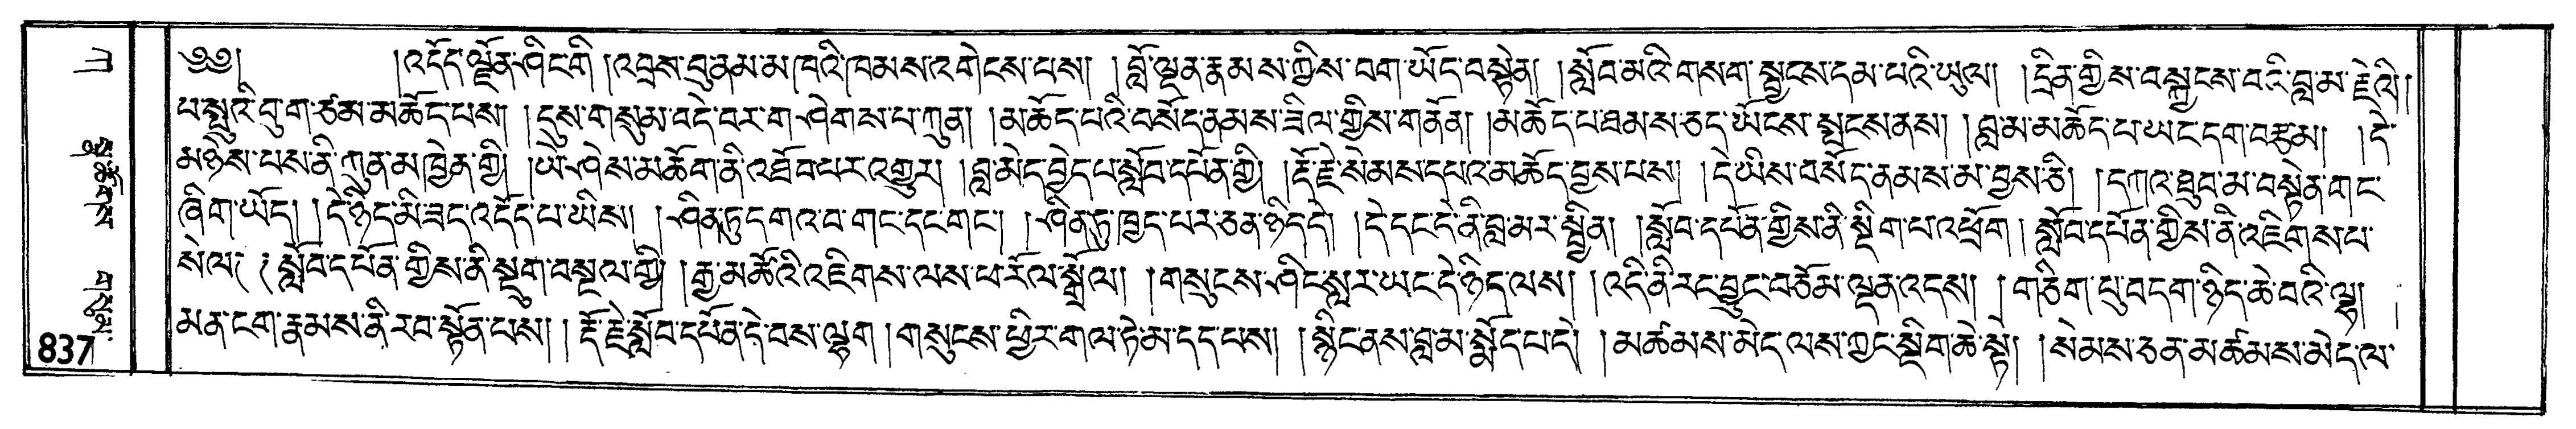༄༅། །འདོད་ལྗོན་ཤིང་གི །འབྲས་བུ་ནམ་མཁའི་ཁམས་འགེངས་པས། །བློ་ལྡན་རྣམས་ཀྱིས་བག་ཡོད་བསྟེན། །སློབ་མའི་གསག་སྦྱངས་དམ་པའི་ཡུལ། །དྲིན་གྱིས་བསྐྱངས་བའི་བླ་མ་རྗེའི།།
པ་སྤུའི་བུ་ག་ཙམ་མཆོད་པས། །དུས་གསུམ་བདེ་བར་གཤེགས་པ་ཀུན། །མཆོད་པའི་བསོད་ནམས་ཟིལ་གྱིས་གནོན། །མཆོད་པ་ཐམས་ཅད་ཡོངས་སྤངས་ནས། །བླ་མ་མཆོད་པ་ཡང་དག་བརྩམ། །དེ་
མཉེས་པས་ནི་ཀུན་མཁྱེན་གྱི། །ཡེ་ཤེས་མཆོག་ནི་འཐོབ་པར་འགྱུར། །བླ་མེད་བྱེད་པ་སློབ་དཔོན་གྱི། །རྡོ་རྗེ་སེམས་དཔའ་མཆོད་བྱས་པས། །དེ་ཡིས་བསོད་ནམས་མ་བྱས་ཅི། །དཀའ་ཐུབ་མ་བསྟེན་གང་
ཞིག་ཡོད། །དེ་ཉིད་མི་ཟད་འདོད་པ་ཡིས། །ཤིན་ཏུ་དགའ་བ་གང་དང་གང་། །ཤིན་ཏུ་ཁྱད་པར་ཅན་ཉིད་དེ། །དེ་དང་དེ་ནི་བླ་མར་སྦྱིན། །སློབ་དཔོན་གྱིས་ནི་སྡིག་པ་འཕྲོག །སློབ་དཔོན་གྱིས་ནི་འཇིགས་པ་
སེལ༑ ༑སློབ་དཔོན་གྱིས་ནི་སྡུག་བསྔལ་གྱི། །རྒྱ་མཚོའི་འཇིགས་ལས་ཕ་རོལ་སྒྲོལ། །གསུངས་ཤིང་སླར་ཡང་དེ་ཉིད་ལས། །འདི་ནི་རང་བྱུང་བཅོམ་ལྡན་འདས། །གཅིག་པུ་བདག་ཉིད་ཆེ་བའི་ལྷ། །
མན་ངག་རྣམས་ནི་རབ་སྟོན་པས། །རྡོ་རྗེ་སློབ་དཔོན་དེ་བས་ལྷག །གསུངས་ཕྱིར་གལ་ཏེ་མ་དད་པས། །སྙིང་ནས་བླ་མ་སྨོད་པ་དེ། །མཚམས་མེད་ལས་ཀྱང་སྡིག་ཆེ་སྟེ། །སེམས་ཅན་མཚམས་མེད་ལ་